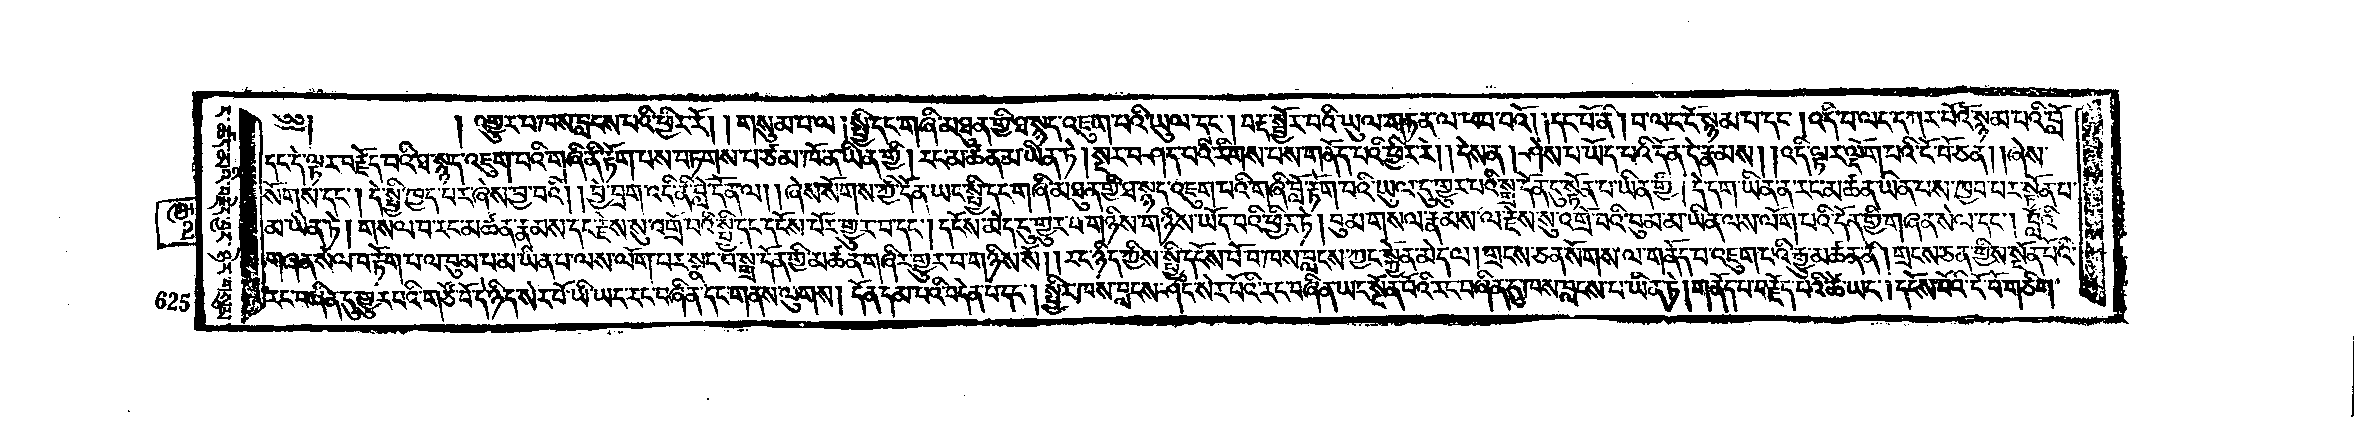༄༅། །འགྱུར་བ་ཁས་བླངས་པའི་ཕྱིར་རོ། །གསུམ་པ་ལ། སྤྱི་དང་གཞི་མཐུན་གྱི་ཐ་སྙད་འཇུག་པའི་ཡུལ་དང་། བརྡ་སྦྱོར་བའི་ཡུལ་གཏན་ལ་ཕབ་པའོ། །དང་པོ་ནི། བ་ལང་ངོ་སྙམ་པ་དང་། འདི་བ་ལང་དཀར་པོའི་སྙམ་པའི་བློ་
དང་དེ་ལྟར་བརྗོད་པའི་ཐ་སྙད་འཇུག་པའི་གཞི་ནི་རྟོག་པས་བཏགས་པ་ཙམ་ཁོ་ན་ཡིན་གྱི། རང་མཚན་མ་ཡིན་ཏེ། སྔར་བཤད་པའི་རིགས་པས་གནོད་པའི་ཕྱིར་རོ། །དེས་ན། ཤེས་པ་ཡོད་པའི་དོན་དེ་རྣམས། །འདི་ལྟར་ལྡོག་པའི་ངོ་བོ་ཅན། །ཞེས་
སོགས་དང་། དེ་སྤྱི་ཁྱད་པར་ཅན་ཞེས་བྱ་བའི། །བྱེ་བྲག་འདི་ནི་བློ་དོན་ལ། །ཞེས་སོགས་ཀྱི་དོན་ཡང་སྤྱི་དང་གཞིར་མཐུན་གྱི་ཐ་སྙད་འཇུག་པའི་གཞི་བློ་རྟོག་པའི་ཡུལ་དུ་གྱུར་པའི་སྒྲ་དོན་དུ་སྟོན་པ་ཡིན་གྱི། དེ་དག་ཡིན་ན་རང་མཚན་ཡིན་པས་ཁྱབ་པར་སྟོན་པ་
མ་ཡིན་ཏེ། གསལ་བར་རང་མཚན་རྣམས་དང་རྗེས་སུ་འགྲོ་བའི་སྤྱི་དང་དངོས་པོར་གྱུར་བ་དང་། དངོས་མེད་དུ་གྱུར་པ་གཉིས་གཉིས་ཡོད་པའི་ཕྱིར་ཏེ། བུམ་གསལ་རྣམས་ལ་རྗེ་སུ་འགྲོ་བའི་བུམ་མ་ཡིན་ལས་ལོག་པའི་དོན་གྱི་གཞན་སེལ་དང་། བློའི་
གཞན་སེལ་བ་རྟོག་པ་ལ་བུམ་པ་མ་ཡིན་པ་ལས་ལོག་པར་སྣང་བ་སྒྲ་དོན་གྱི་མཚན་གཞིར་གྱུར་པ་གཉིས་སོ། །རང་ཉིད་ཀྱིས་སྤྱི་དངོས་པོ་བ་ཁས་བླངས་ཀྱང་སྐྱོན་མེད་ལ། གྲངས་ཅན་སོགས་ལ་གནོད་པ་འཇུག་པའི་རྒྱུ་མཚན་ནི། གྲང་ཅན་གྱིས་སྔོན་པོའི་
རང་བཞིན་དུ་གྱུར་པའི་གཙོ་བོ་དེ་ཉིད་སེར་པོ་ཡི་ཡང་རང་བཞིན་དང་གནས་ལུགས། དོན་དམ་པའི་བདེན་པ་དང་། སྤྱིར་ཁས་བླངས་ཤོར་སེར་པོའི་རང་བཞིན་ཡང་སྔོན་པོའི་རང་བཞིན་དུ་ཁས་བླངས་པ་ཡིན་ཏེ། གནོད་པ་བརྗོད་པའི་ཚེ་ཡང་། དངོས་པོའི་ངོ་བོ་གཅིག་